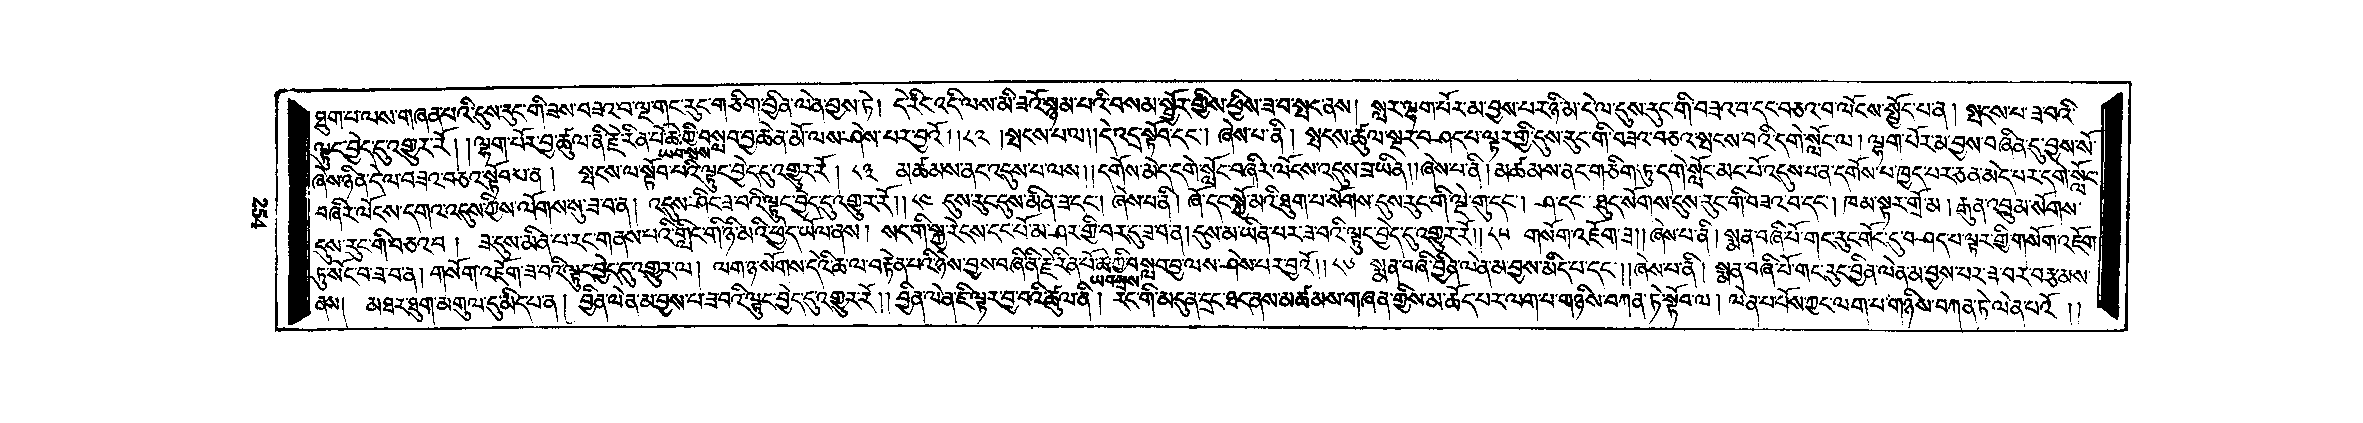ཐུག་པ་ལས་གཞན་པའི་དུས་རུང་གི་ཟས་བཟའ་བ་ལྔ་གང་རུང་གཅིག་བྱིན་ལེན་བྱས་ཏེ། དེ་རིང་འདི་ལས་མི་ཟའོ་སྙམ་པའི་བསམ་སྦྱོར་གྱིས་ཕྱིས་ཟ་བ་སྤང་ནས། སླར་ལྷག་པོར་མ་བྱས་པར་ཉི་མ་དེ་ལ་དུས་རུང་གི་བཟའ་བ་དང་བཅའ་བ་ལོངས་སྤྱོད་པ་ན། སྤངས་པ་ཟ་བའི་
ལྟུང་བྱེད་དུ་འགྱུར་རོ། །ལྷག་པོར་བྱ་ཚུལ་ནི་རྗེ་རིན་པོ་ཆེ་ཡབ་སྲས་ཀྱི་བསླབ་བྱ་ཆེན་མོ་ལས་ཤེས་པར་བྱའོ། །སྤངས་པ་ལ། །དེ་འདྲ་སྟོབ་དང་། ཞེས་པ་ནི། སྤངས་ཚུལ་སྔར་བཤད་པ་ལྟར་གྱི་དུས་རུང་གི་བཟའ་བཅའ་སྤངས་བའི་དགེ་སློང་ལ། ལྷག་པོར་མ་བྱས་བཞིན་དུ་བྱས་སོ་
ཞེས་ཉིན་དེ་ལ་བཟའ་བཅའ་སྟོབ་པ་ན། སྤངས་ལ་སྟོབ་པའི་ལྟུང་བྱེད་དུ་འགྱུར་རོ། མཚམས་ནང་འདུས་པ་ལས། །དགོས་མེད་དགེ་སློང་བཞིར་ལོངས་འདུས་ཟ་ཡིན། །ཞེས་པ་ནི། མཚམས་ནང་གཅིག་ཏུ་དགེ་སློང་མང་པོ་འདུས་པ་ན་དགོས་པ་ཁྱད་པར་ཅན་མེད་པར་དགེ་སློང་
བཞིར་ལོངས་དགའ་འདུས་ཀྱིས་ལོགས་སུ་ཟ་བ་ན། འདུས་ཤིང་ཟ་བའི་ལྟུང་བྱེད་དུ་འགྱུར་རོ། །དུས་རུང་དུས་མིན་ཟ་དང་། ཞེས་པ་ནི། ཞོ་དང་སྐྱོ་མའི་ཐུག་པ་སོགས་དུས་རུང་གི་ལྡེ་གུ་དང་། ཤ་དང་ཐུད་སོགས་དུས་རུང་གི་བཟའ་བ་དང་། ཁམ་སྟར་གྲོ་མ། རྒུན་འབྲུམ་སོགས་
དུས་རུང་གི་བཅའ་བ། ཟ་དུས་མིན་པ་རང་གནས་པའི་གླིང་གི་ཉི་མའི་ཕྱེད་ཡོལ་ནས། སང་གི་སྐྱ་རེངས་དང་པོ་མ་ཤར་གྱི་བར་དུ་ཟ་བ་ན། དུས་མ་ཡིན་པར་ཟ་བའི་ལྟུང་བྱེད་དུ་འགྱུར་རོ། །གསོག་འཇོག་ཟ། །ཞེས་པ་ནི། སྨན་བཞི་པོ་གང་རུང་གོང་དུ་བཤད་པ་ལྟར་གྱི་གསོག་འཇོག་
ཏུ་སོང་བ་ཟ་བ་ན། གསོག་འཇོག་ཟ་བའི་ལྟུང་བྱེད་དུ་འགྱུར་ལ། ལག་ཉ་སོགས་དེའི་ཆ་ལ་བརྟེན་པའི་ཉེས་བྱས་བཞི་ནི་རྗེ་རིན་པོ་ཆེ་ཡབ་སྲས་ཀྱི་བསླབ་བྱ་ལས་ཤེས་པར་བྱའོ། །སྨན་བཞི་བྱིན་ལེན་མ་བྱས་མིད་པ་དང་། །ཞེས་པ་ནི། སྨན་བཞི་པོ་གང་རུང་བྱིན་ལེན་མ་བྱས་པར་ཟ་བར་བརྩམས་
ནས། མཐར་ཐུག་མགུལ་དུ་མིད་པ་ན། བྱིན་ལེན་མ་བྱས་པ་ཟ་བའི་ལྟུང་བྱེད་དུ་འགྱུར་རོ། །བྱིན་ལེན་ཇི་ལྟར་བྱ་བའི་ཚུལ་ནི། རང་གི་མདུན་དྲང་ཐད་ནས་མཚམས་གཞན་གྱིས་མ་ཆོད་པར་ལག་པ་གཉིས་བཀན་ཏེ་སྟོབ་ལ། ལེན་པ་པོས་ཀྱང་ལག་པ་གཉིས་བཀན་ཏེ་ལེན་པའོ། །